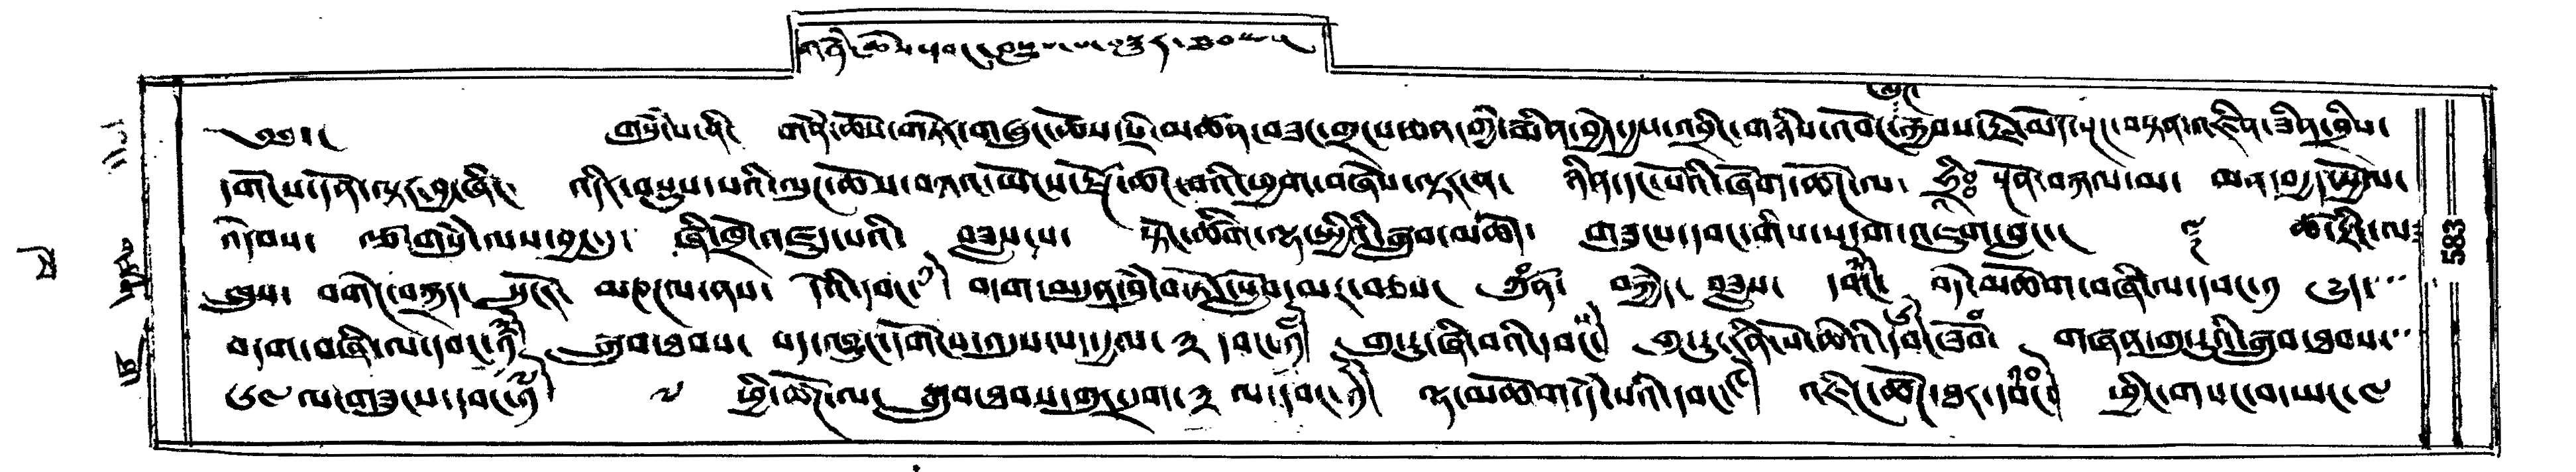༄། གནམ་ཆོས་ཀྱི་དབང་བསྡུས་པ་བསྐུར་ཐབས་བཞུགས་སོ།། གནམ་ཆོས་གཏེར་གཞུང་ཆོས་སྡེ་མཚན་བཟང་གྲངས་ཅན་གྱི་སྨིན་བྱེད་རྒྱས་འབྲིང་གཉིས་འབོག་ལུགས་སྐྱབས་རྗེ་མདོ་སྔགས་བསྟན་འཛིན་གྱི་ཟིན་བྲིས་
དགོངས་དོན་ལྟར་བྱ་ཞིང་། འདིར་བསྡུས་པའི་ལུགས་ཆོས་བཀའ་ཡོངས་རྫོགས་ཚང་བའི་ཕྱག་བཞེས་ལྟར་ན། ཉིན་དང་པོའི་ཞོགས་ཚོགས་ལ། ཧྲཱིཿ སྔོན་བསྐལ་མ། མཚན་བརྒྱད་གསོལ་
འདེབས། རྩ་གསུམ་ལས་བྱང་དུ། ཞི་ཁྲོ་འཛུད་པའི། བཟླས་པ། སྟོང་ཚིག་ལྷ་སྤྱིའི་སྒྲུབ་མཆོད། གཟུངས་དབང་གིས་བདག་འཇུག་བླང་། ༈ ཚ་རྟིང་ལ། 
ཁྲུས། བགེགས་བསྐྲད། སྲུང་འཁོར། མཎྜལ་ནས། དེའི་དབང༡༽ བདག་མདུན་བུམ་པ་སྟེ་སློབ་མར་བཅས། ཀུན་བཟང་། བསྐྱེད། བཟླས། དབང༢༽ བདེ་མཆོག་བཞི་ལ་དབང་༡ རྒྱུད་
བདག་བཞི་ལ་དབང་༡༣༽ སྒྲུབ་ཐབས། པད་འབྱུང་དགོངས་འདུས་པད་རྒྱལ། ༣ དབང་༡༤༽ གུ་རུ་ཞི་བའི་དབང་༥༽ གུ་རུ་རི་པོ་ཆེའི་དབང་༦༽ཟབ་མོ། གཞན་ཡང་གུ་རུའི་སྒྲུབ་ཐབས་
༦༤ལ་གཟུངས་དབང་༡༧༽ ༧ ཕྱི་ཚོགས་ལ། སྒྲུབ་ཐབས་གུར་དྲག་༣ ལ་དབང་༡༨༽ ལྷ་མཆོག་དམ་པའི་དབང་༩༽ འཇིགས་ཚོགས་ཐར་དབང་༡༠༽ ཕྱི་ནང་གསང་བ། ཡང་གསང་༤